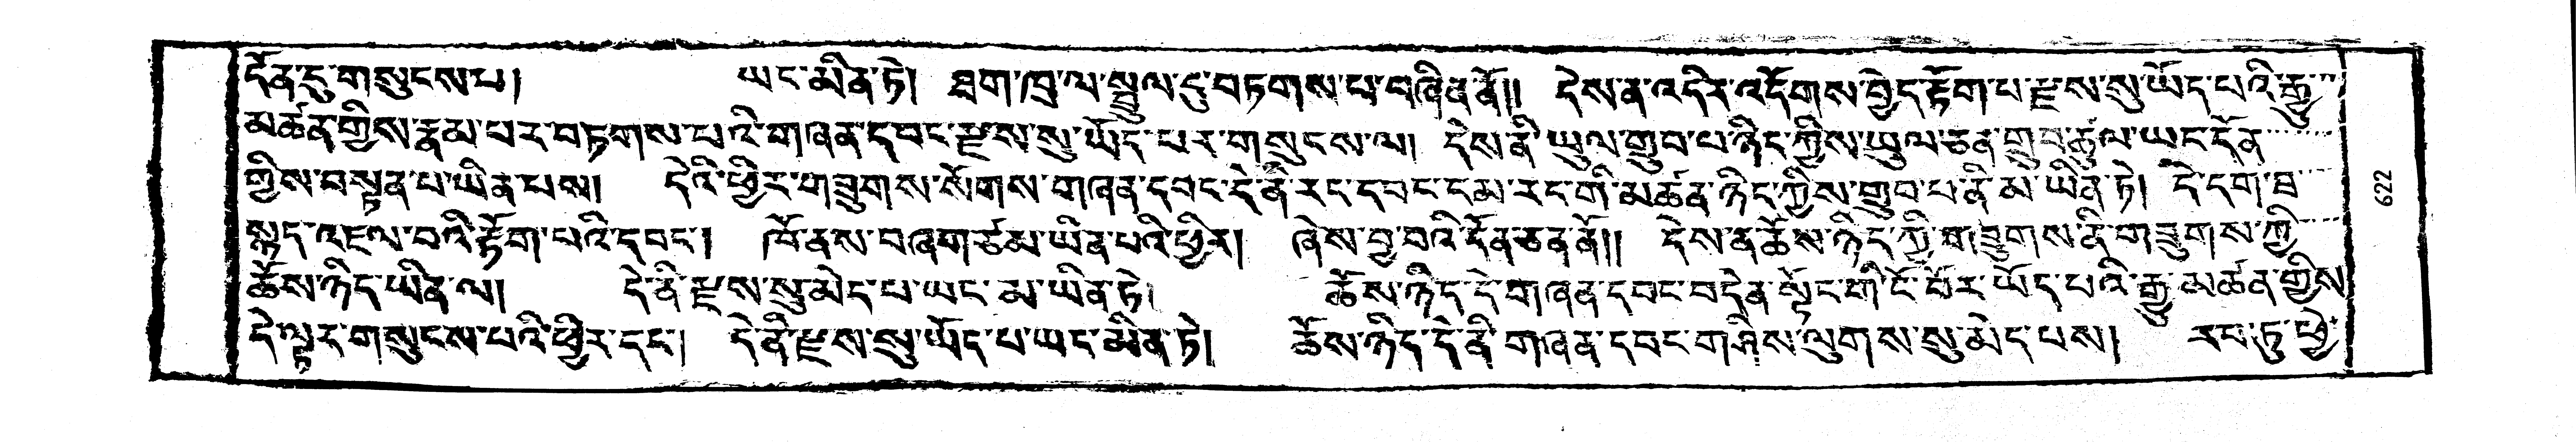དོན་དུ་གསུངས་པ། ཡང་མིན་ཏེ། ཐག་ཁྲ་ལ་སྤྲུལ་དུ་བཏགས་པ་བཞིན་ནོ།། དེས་ན་འདིར་འདོགས་བྱེད་རྟོག་པ་རྫས་སུ་ཡོད་པའི་རྒྱུ་
མཚན་གྱིས་རྣམ་པར་བཏགས་པའི་གཞན་དབང་རྫས་སུ་ཡོད་པར་གསུངས་ལ། དེས་ནི་ཡུལ་གྲུབ་པ་ཉིད་ཀྱིས་ཡུལ་ཅན་གྲུབ་ཚུལ་ཡང་དོན་
གྱིས་བསྟན་པ་ཡིན་པས། དེའི་ཕྱིར་གཟུགས་སོགས་གཞན་དབང་དེ་ནི་རང་དབང་དམ་རང་གི་མཚན་ཉིད་ཀྱིས་གྲུབ་པ་ནི་མ་ཡིན་ཏེ། དེ་དག་ཐ་
སྙད་འཇལ་བའི་རྟོག་པའི་དབང་། ཁོ་ནས་བཞག་ཙམ་ཡིན་པའི་ཕྱིར། ཞེས་བྱ་བའི་དོན་ཅན་ནོ།། དེས་ན་ཆོས་ཉིད་ཀྱི་གཟུགས་ནི་གཟུགས་ཀྱི་
ཆོས་ཉིད་ཡིན་ལ། དེ་ནི་རྫས་སུ་མེད་པ་ཡང་མ་ཡིན་ཏེ། ཆོས་ཉིད་དེ་གཞན་དབང་བདེན་སྟོང་གི་ངོ་བོར་ཡོད་པའི་རྒྱུ་མཚན་གྱིས་
དེ་ལྟར་གསུངས་པའི་ཕྱིར་དང་། དེ་ནི་རྫས་སུ་ཡོད་པ་ཡང་མིན་ཏེ། ཆོས་ཉིད་དེ་ནི་གཞན་དབང་གཤིས་ལུགས་སུ་མེད་པས། རབ་ཏུ་ཕྱེ་